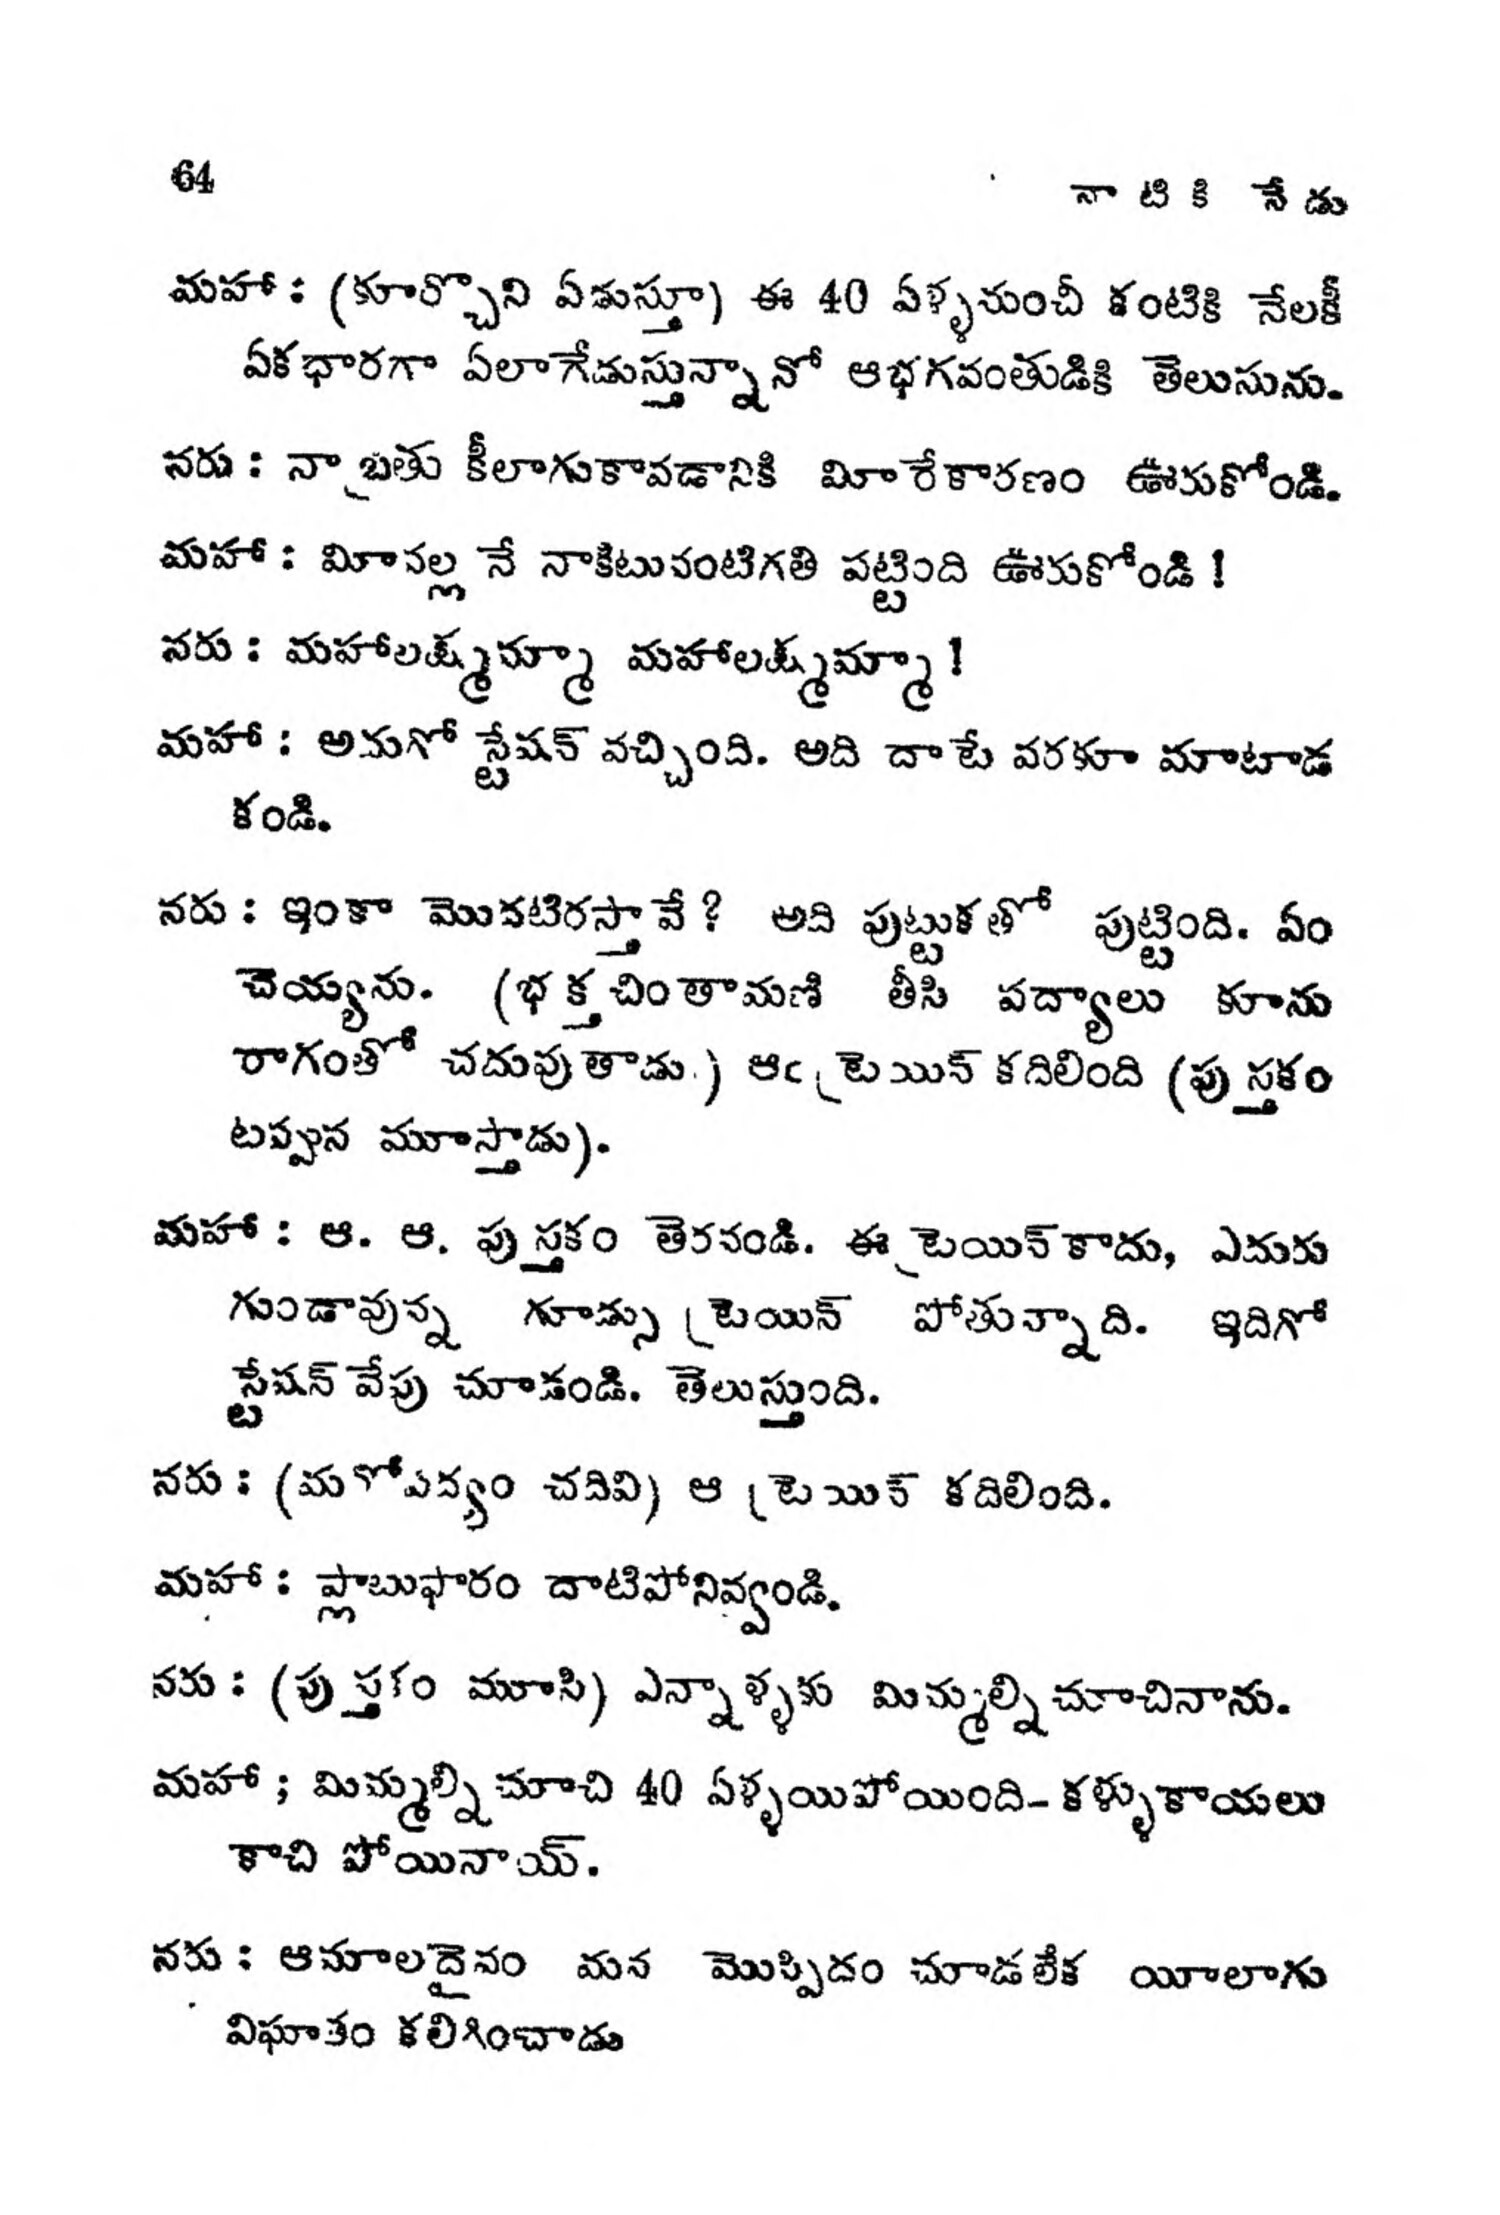మహా : (కూర్చొని ఏడుస్తూ) ఈ 40 ఏళ్ళనుంచీ కంటికి నేలకీ ఏకధారగా ఏలాగేడుస్తున్నానో ఆభగవంతుడికి తెలుసును.

నరు : నాబ్రతు కీలాగుకావడానికి మీరే కారణం ఊరుకోండి.

మహా : మీవల్లనే నాకిటువంటిగతి పట్టింది ఊరుకోండి !

నరు : మహాలక్ష్మమ్మా మహాలక్ష్మమ్మా!

మహా : అదుగో స్టేషన్ వచ్చింది. అది దాటే వరకూ మాటాడకండి.

నరు : ఇంకా మొదటిరస్తావే? అది పుట్టుకతో పుట్టింది. ఏం చెయ్యను. (భక్త చింతామణి తీసి పద్యాలు కూనురాగంతో చదువుతాడు.) ఆఁ ట్రెయిన్ కదిలింది (పుస్తకం టప్పున మూస్తాడు).

మహా : ఆ. ఆ. పుస్తకం తెరవండి. ఈట్రెయిన్‌కాదు, ఎదురుగుండావున్న గూడ్సు ట్రెయిన్ పోతున్నాది. ఇదిగో
స్టేషన్ వేపు చూడండి. తెలుస్తుంది.

నరు : (మరోపద్యం చదివి) ఆ ట్రెయిన్ కదిలింది.

మహా : ప్లాటుఫారం దాటిపోనివ్వండి.

నరు : (పుస్తకం మూసి) ఎన్నాళ్ళకు మిమ్మల్ని చూచినాను.

మహా : మిమ్మల్ని చూచి 40 ఏళ్ళయిపోయింది - కళ్ళుకాయలుకాచి పోయినాయ్.

నరు : ఆమాలదైవం మన మొప్పిదం చూడలేక యీలాగు విఘాతం కలిగించాడు